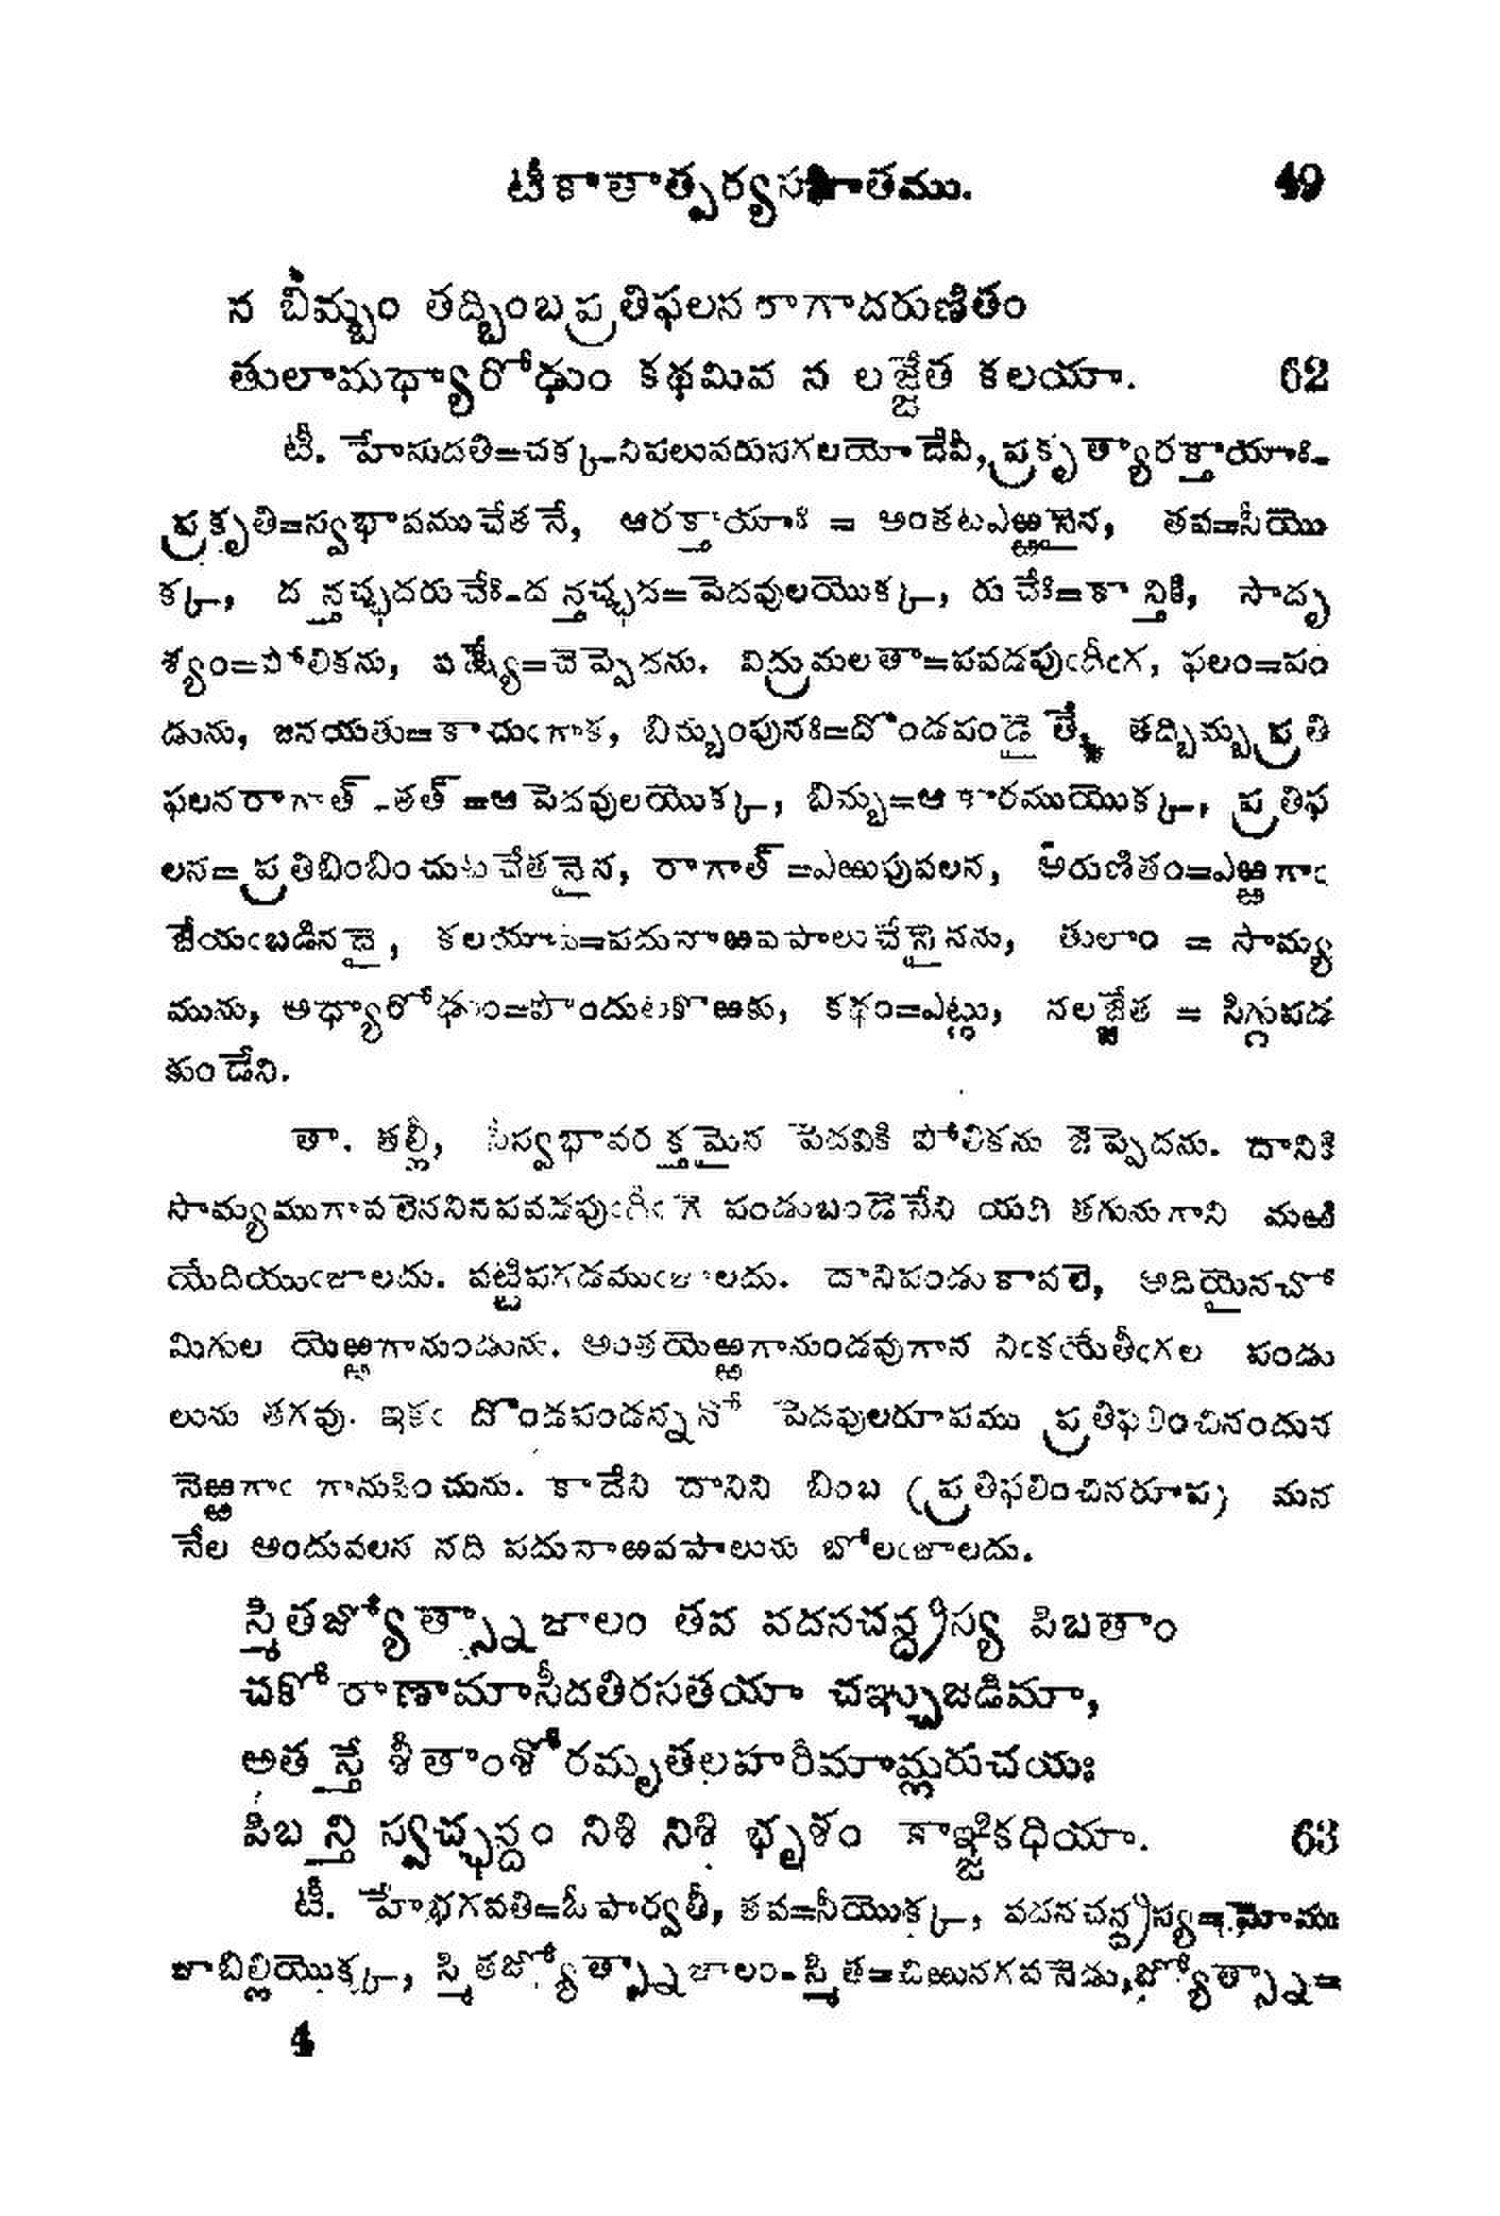న బిమ్బం తద్బింబప్రతిఫలనరాగాదరుణితం
తులామధ్యారోఢుం కథమివ న లజ్జేత కలయా. 62
టీ. హేసుదతి = చక్కనిపలువరుసగలయోదేవీ, ప్రకృత్యారక్తాయాః-ప్రకృతి = స్వభావముచేతనే, ఆరక్తాయాః = అంతటఎఱ్ఱనైన, తవ = నీయొక్క, దన్తచ్ఛదరుచేః-దన్తచ్ఛద = పెదవులయొక్క, రుచేః = కాన్తికి, సాదృశ్యం = పోలికను, వక్ష్యే = చెప్పెదను, విద్రుమలతా = పవడపుఁదీఁగ, ఫలం = పండును, జనయతు = కాచుఁగాక, బిమ్బంపునః = దొండపండైతే, తద్బిమ్బప్రతిఫలనరాగాత్-తత్ = ఆ పెదవులయొక్క, బిమ్బ = ఆకారముయొక్క, ప్రతిఫలన = ప్రతిబింబించుటచేతనైన, రాగాత్ = ఎఱుపువలన, అరుణితం = ఎఱ్ఱగాఁ జేయఁబడినదై, కలయాపి = పదునాఱవపాలుచేనైనను, తులాం = సామ్యమును, అధ్యారోఢుం = పొందుటకొఱకు, కథం = ఎట్లు, నలజ్జేత = సిగ్గుపడకుండేని.

తా. తల్లీ, నీస్వభావరక్తమైన పెదవికి పోలికను జెప్పెదను. దానికి సామ్యముగావలెననినపవడపుఁదీఁగె పండుబండెనేని యదితగునుగాని మఱియేదియుఁజాలదు. వట్టిపగడముఁజాలదు. దానిపండుకావలె, అదియైనచో మిగుల యెఱ్ఱగానుండును. అంతయెఱ్ఱగానుండవుగాన నిఁకయేతీఁగల పండులును తగవు. ఇకఁ దొండపండన్ననో పెదవులరూపము ప్రతిఫలించినందున నెఱ్ఱగాఁ గానుపించును. కాదేని దానిని బింబ (ప్రతిఫలించినరూప) మన నేల అందువలన నది పదునాఱవపాలును బోలఁజాలదు.

స్మితజ్యోత్స్నాజాలం తవ వదనచన్ద్రస్య పిబతాం
చకోరాణామాసీదతిరసతయా చఞ్చుజడిమా,
అతస్తే శీతాంశోరమృతలహరీమామ్లరుచయః
పిబన్తి స్వచ్ఛన్దం నిశి నిశి భృశం కాఞ్జికధియా. 63
టీ. హేభగవతి = ఓ పార్వతీ, తవ = నీయొక్క, వదనచన్ద్రస్య = మోము జాబిల్లియొక్క, స్మితజ్యోత్స్నాజాలం-స్మిత = చిఱునగవనెడు, జ్యోత్స్నా =